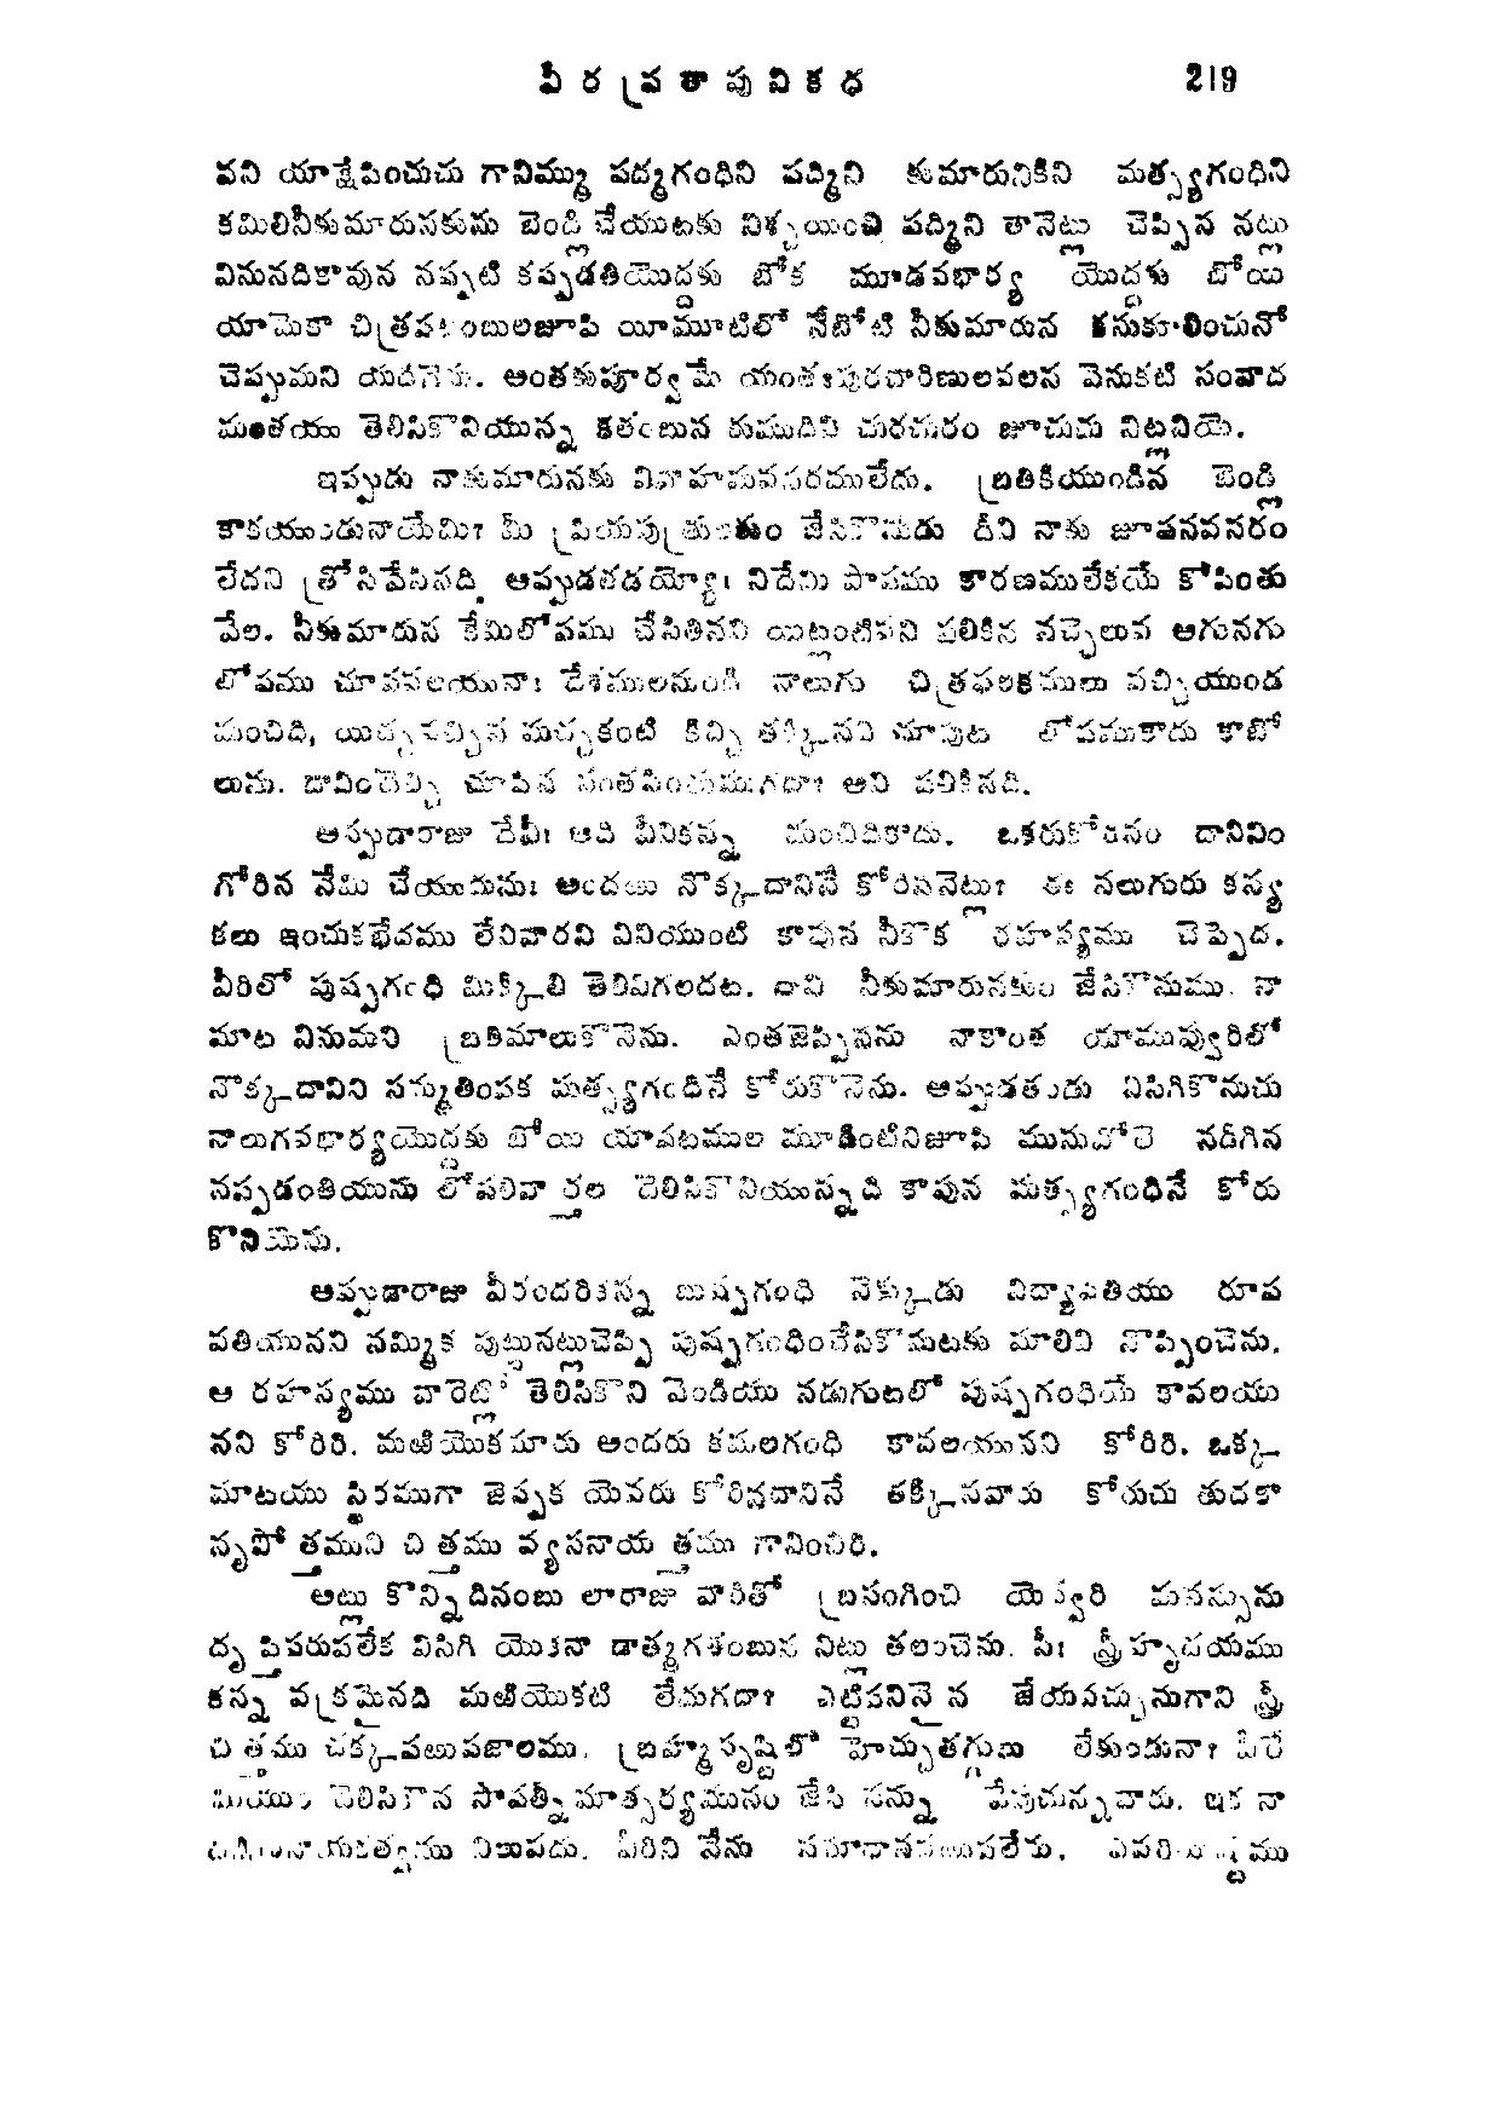వని యాక్షేపించుచు గానిమ్ము పద్మగంధిని పద్మిని కుమారునికిని మత్స్యగంధిని కమిలినీ కుమారునకును బెండ్లి చేయుటకు నిశ్చయించి పద్మిని తానెట్లు చెప్పిన నట్లు వినునదికావున నప్పటి కప్పడతియొద్దకు బోక మూడవభార్య యొద్దకు బోయి యామెకా చిత్రపటంబులజూపి యీమూటిలో నేబోటి నీకుమారున కనుకూలించునో చెప్పుమని యడిగెను. అంతకుపూర్వమే యంతఃపురచారిణుల వలన వెనుకటి సంవాద మంతయు తెలిసికొనియున్న కతంబున కుముదిని చురచురం జూచుచు నిట్లనియె.

ఇప్పుడు నాకుమారునకు వివాహమవసరములేదు. బ్రతికియుండిన బెండ్లి కాకయుండునాయేమి? మీ ప్రియపుత్రులకుం జేసికొనుడు దీని నాకు జూపనవసరం లేదని త్రోసివేసినది. ఆప్పుడతడయ్యో! నిదేమి పాపము కారణములేకయే కోపింతు వేల. నీకుమారున కేమిలోపము చేసితినని యిట్లంటివని పలికిన నచ్చెలువ అగునగు లోపము చూపవలయునా? దేశములనుండి నాలుగు చిత్రఫలకములు వచ్చియుండ మంచిది, యిచ్చవచ్చిన మచ్చకంటి కిచ్చి తక్కినవి చూపుట లోపముకాదు కాబోలును. దానిందెచ్చి చూపిన సంతసింతుముగదా? అని పలికినది.

అప్పుడారాజు దేవీ! అది వీనికన్న మంచిదికాదు. ఒకరుకోరినం దానినిం గోరిన నేమి చేయుదును? అందఱు నొక్కదానినే కోరిననెట్లు? ఈ నలుగురు కన్యకలు ఇంచుకభేదము లేనివారని వినియుంటి కావున నీకొక రహస్యము చెప్పెద. వీరిలో పుష్పగంధి మిక్కిలి తెలివిగలదట. దాని నీకుమారునకుం జేసికొనుము. నామాట వినుమని బ్రతిమాలుకొనెను. ఎంతజెస్పినను నాకాంత యామువ్వురిలో నొక్క దానిని సమ్మతింపక మత్స్యగంధినే కోరుకొనెను. అప్పుడతండు విసిగికొనుచు నాలుగవభార్య యొద్దకు బోయి యాపటముల మూడింటినిజూపి మునువోలె నడిగిన నప్పడంతియును లోపలివార్తల దెలిసికొనియున్నది కావున మత్స్యగంధినే కోరుకొనియెను.

అప్పుడారాజు వీరందరికన్న బుష్పగంధి నెక్కుడు విద్యావతియు రూపవతియునని నమ్మిక పుట్టునట్లుచెప్పి పుష్పగంధించేసికొనుటకు మాలిని నొప్పించెను. ఆ రహస్యము వారెట్లో తెలిసికొని వెండియు నడుగుటలో పుష్పగంధియే కావలయునని కోరిరి. మఱియొకమారు అందరు కమలగంధి కావలయునని కోరిరి. ఒక్క మాటయు స్థిరముగా జెప్పక యెవరు కోరినదానినే తక్కినవారు కోరుచు తుదకా నృపోత్తముని చిత్తము వ్యసనాయత్తము గావించిరి.

అట్లు కొన్నిదినంబు లారాజు వారితో బ్రసంగించి యెవ్వరి మనస్సును దృప్తిపరుపలేక విసిగి యొకనా డాత్మగతంబున నిట్లు తలంచెను. సీ! స్త్రీహృదయము కన్న వక్రమైనది మఱియొకటి లేదుగదా? ఎట్టిపనినైన జేయవచ్చునుగాని స్త్రీ చిత్తము చక్కపఱుపజాలము. బ్రహ్మసృష్టిలో హెచ్చుతగ్గులు లేకుండునా? వీ రేమియుం దెలిసికొన సాపత్నీమాత్సర్యమునం జేసి నన్ను వేపుచున్నవారు. ఇక నాదక్షిణనాయకత్వము నిలువదు. వీరిని నేను సమాధానపఱుపలేను. ఎవరియిష్టము